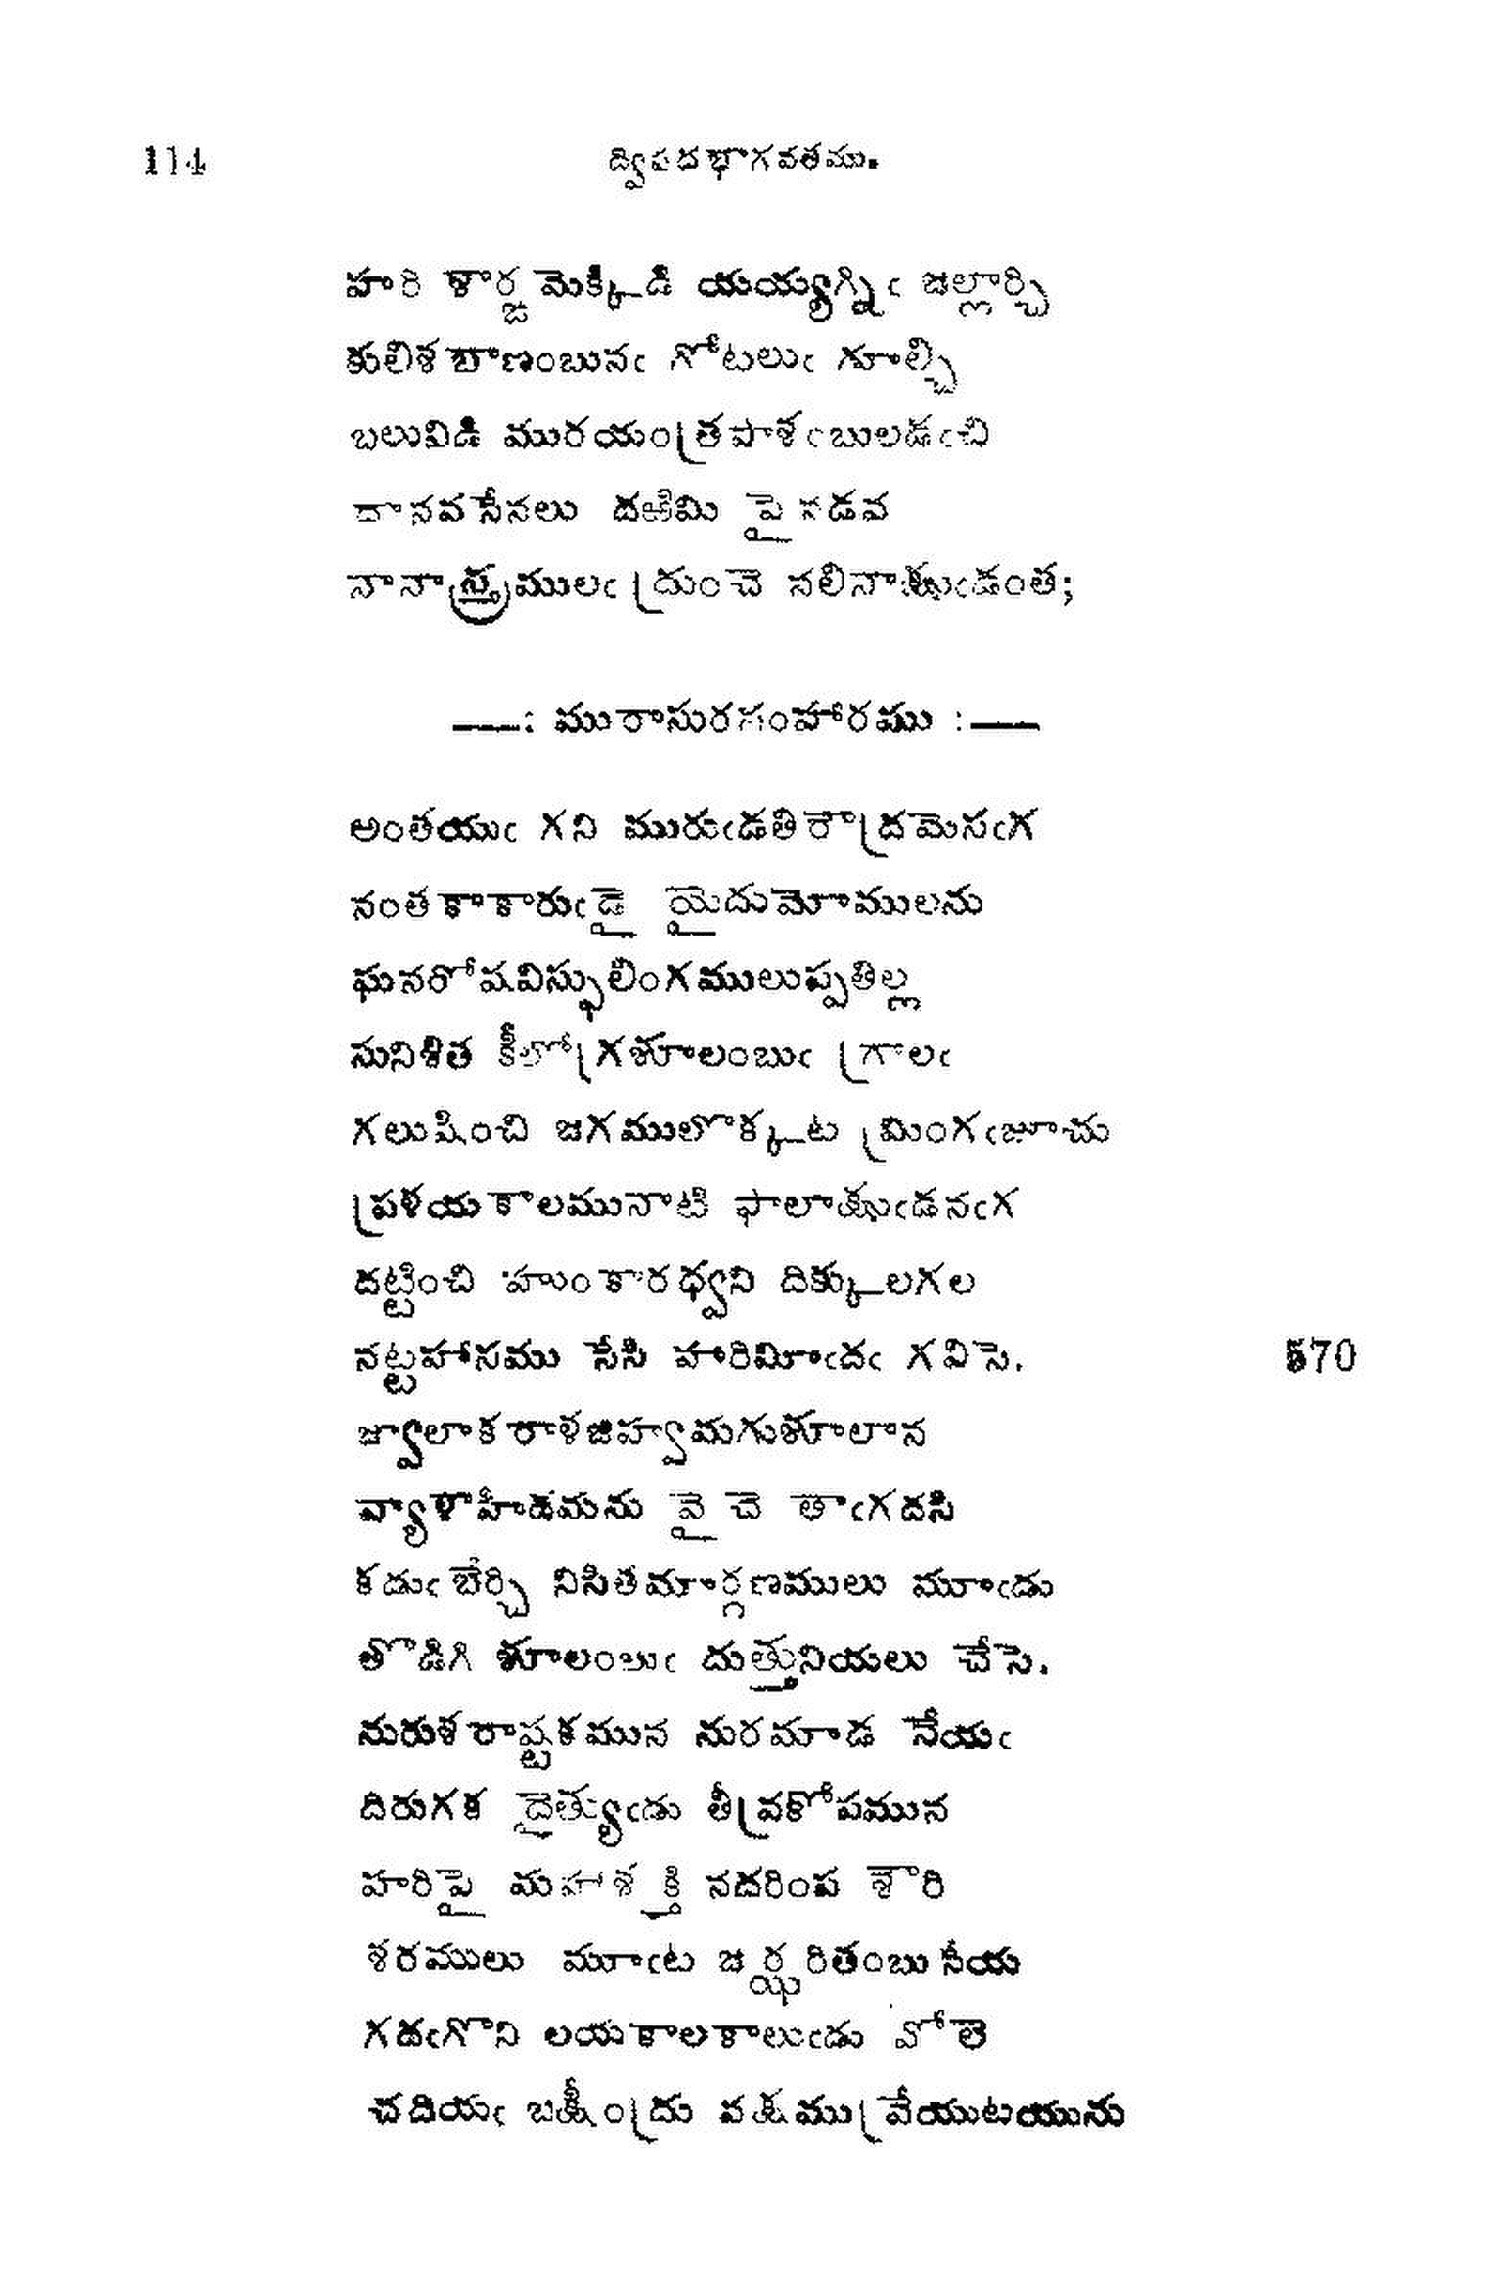హరి శార్ఙ మెక్కిడి యయ్యగ్నిఁ జల్లార్చి
కులిశబాణంబునఁ గోటలుఁ గూల్చి
బలువిడి మురయంత్ర పాశంబులడచి
దానవసేనలు దఱిమి పై నడవ
నానాస్త్రములఁ ద్రుంచె నలినాక్షుఁడంత;

అంతయుఁ గని మురుఁడతి రౌద్రమెసఁగ
నంతకాకారుఁడై యైదు మోములను
ఘనరోష విస్ఫులింగములుప్పతిల్ల
సునిశిత కీలోగ్రశూలంబుఁ గ్రాలఁ
గలుషించి జగములొక్కట మ్రింగఁజూచు 
ప్రళయ కాలమునాటి ఫాలాక్షుఁడనఁగ
దట్టించి హుంకార ధ్వని దిక్కులగల
నట్టహాసము సేసి హరిమీఁదఁ గవిసె.
జ్వాలా కరాళ జిహ్వమగు శూలాన 
వ్యాళాహిదమనుని వైచె తాఁగదసి
కడుఁబేర్చి నిసితమార్గణములు మూఁడు
తొడిగి శూలంబుఁ దుత్తునియలు చేసె. 
నురుశరాష్టకమున నురమాడ నేయఁ
దిరుగక దైత్యుఁడు తీవ్రకోపమున
హరిపై మహాశక్తి నదరింప శౌరి
శరములు మూఁట జర్ఝరితంబు సేయ
గదఁగొని లయకాలకాలుఁడు వోలె
చదియఁ బక్షీంద్రు పక్షము వ్రేయుటయును